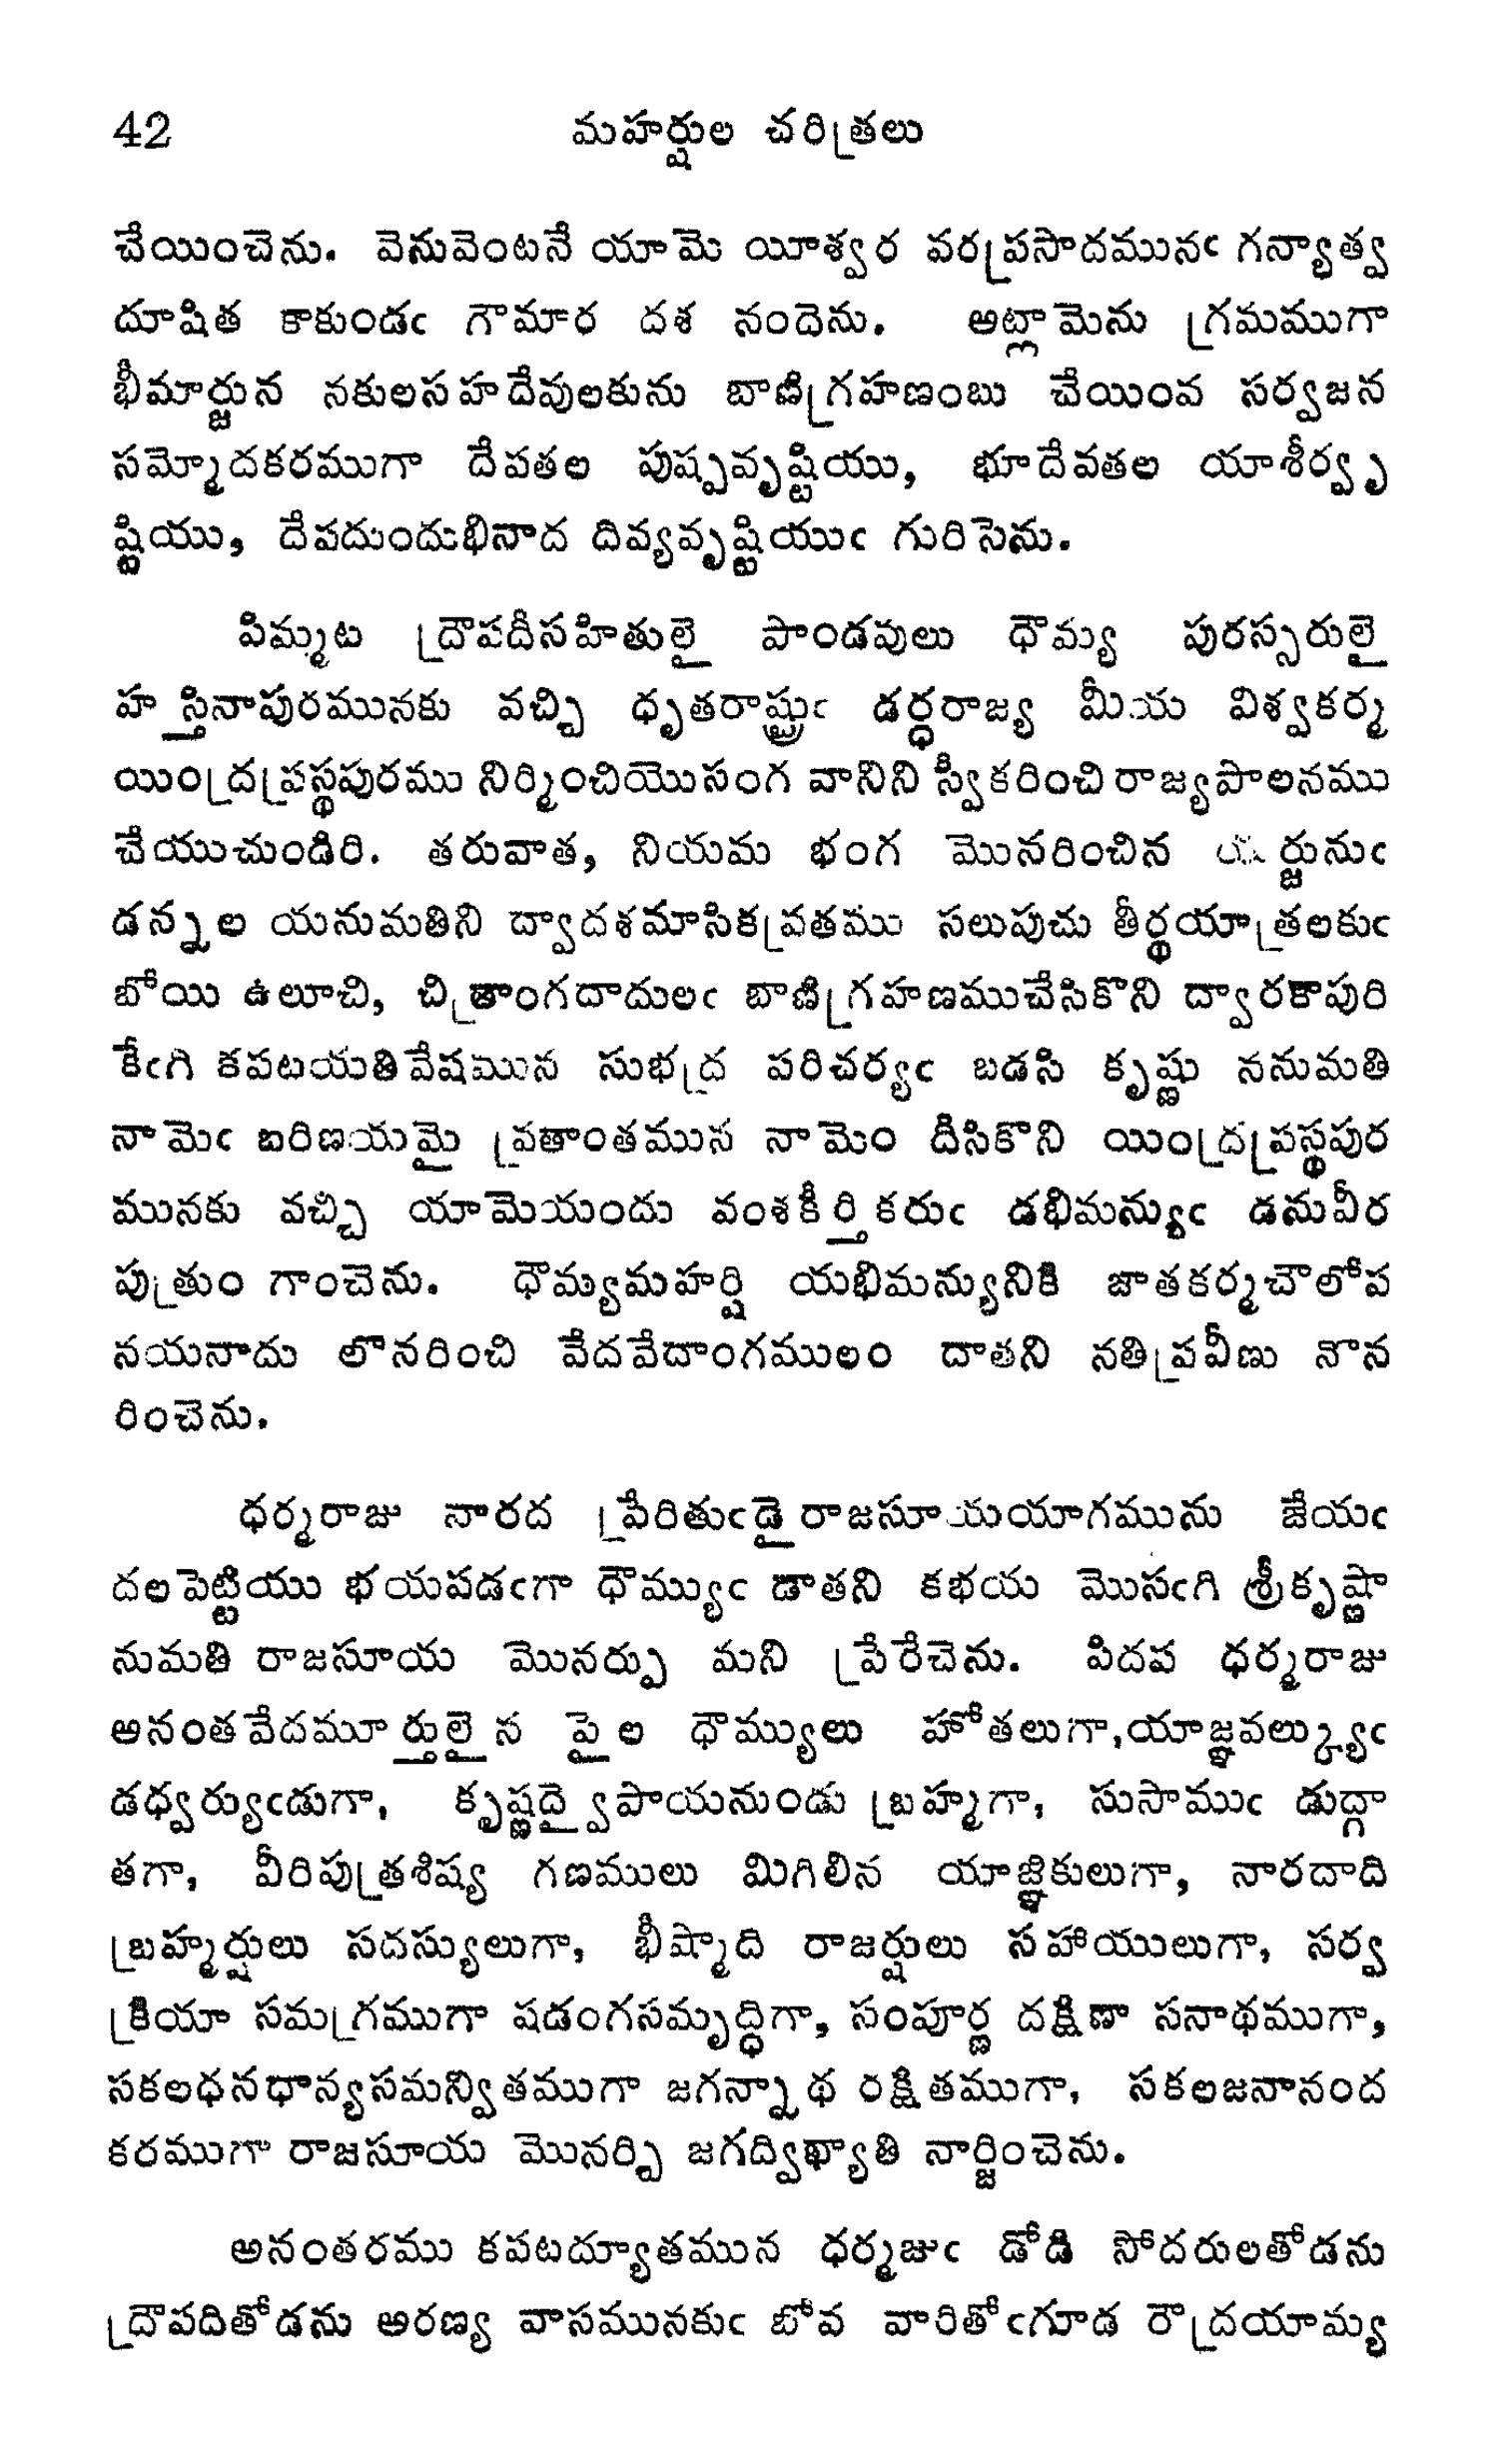చేయించెను. వెనువెంటనే యామె యీశ్వర వరప్రసాదమునఁ గన్యాత్వ దూషిత కాకుండఁ గౌమార దశ నందెను. అట్లామెను గ్రమముగా భీమార్జున నకులసహదేవులకును బాణిగ్రహణంబు చేయింవ సర్వజన సమ్మోదకరముగా దేవతల పుష్పవృష్టియు, భూదేవతల యాశీర్వృష్టియు, దేవదుందుభినాద దివ్యవృష్టియుఁ గురిసెను.

పిమ్మట ద్రౌపదీసహితులై పాండవులు ధౌమ్య పురస్సరులై హస్తినాపురమునకు వచ్చి ధృతరాష్ట్రుఁ డర్ధరాజ్య మీయ విశ్వకర్మ యింద్రప్రస్థపురము నిర్మించియొసంగ వానిని స్వీకరించి రాజ్యపాలనము చేయుచుండిరి. తరువాత, నియమ భంగ మొనరించిన .యర్జునుఁ డన్నల యనుమతిని ద్వాదశమాసికవ్రతము సలుపుచు తీర్థయాత్రలకుఁ బోయి ఉలూచి, చిత్రాంగదాదులఁ బాణిగ్రహణముచేసికొని ద్వారకాపురి కేఁగి కపటయతి వేషమున సుభద్ర పరిచర్యఁ బడసి కృష్ణు ననుమతి నామెఁ బరిణయమై వ్రతాంతమున నామెం దీసికొని యింద్రప్రస్థపురమునకు వచ్చి యామెయందు వంశకీర్తి కరుఁ డభిమన్యుఁ డనువీర పుత్రుం గాంచెను. ధౌమ్యమహర్షి యభిమన్యునికి జాతకర్మచౌలోప నయనాదు లొనరించి వేదవేదాంగములం దాతని నతిప్రవీణు నొనరించెను.

ధర్మరాజు నారద! పేరితుఁడై రాజసూయయాగమును జేయఁ దలపెట్టియు భయపడఁగా ధౌమ్యుఁ డాతని కభయ మొసఁగి శ్రీకృష్ణానుమతి రాజసూయ మొనర్పు మని ప్రేరేచెను. పిదప ధర్మరాజు అనంతవేదమూర్తులైన పైల ధౌమ్యులు హోతలుగా, యాజ్ఞవల్క్యుఁ డధ్వర్యుఁడుగా, కృష్ణద్వైపాయనుండు బ్రహ్మగా, సుసాముఁ డుద్గాతగా, వీరిపుత్రశిష్య గణములు మిగిలిన యాజ్ఞికులుగా, నారదాది బ్రహ్మర్షులు సదస్యులుగా, భీష్మాది రాజర్షులు సహాయులుగా, సర్వక్రియా సమగ్రముగా షడంగసమృద్ధిగా, సంపూర్ణ దక్షిణా సనాథముగా, సకలధనధాన్యసమన్వితముగా జగన్నాథ రక్షితముగా, సకలజనానందకరముగా రాజసూయ మొనర్చి జగద్విఖ్యాతి నార్జించెను.

అనంతరము కపటద్యూతమున ధర్మజుఁ డోడి సోదరులతోడను ద్రౌపదితోడను అరణ్య వాసమునకుఁ బోవ వారితోఁగూడ రౌద్రయామ్య